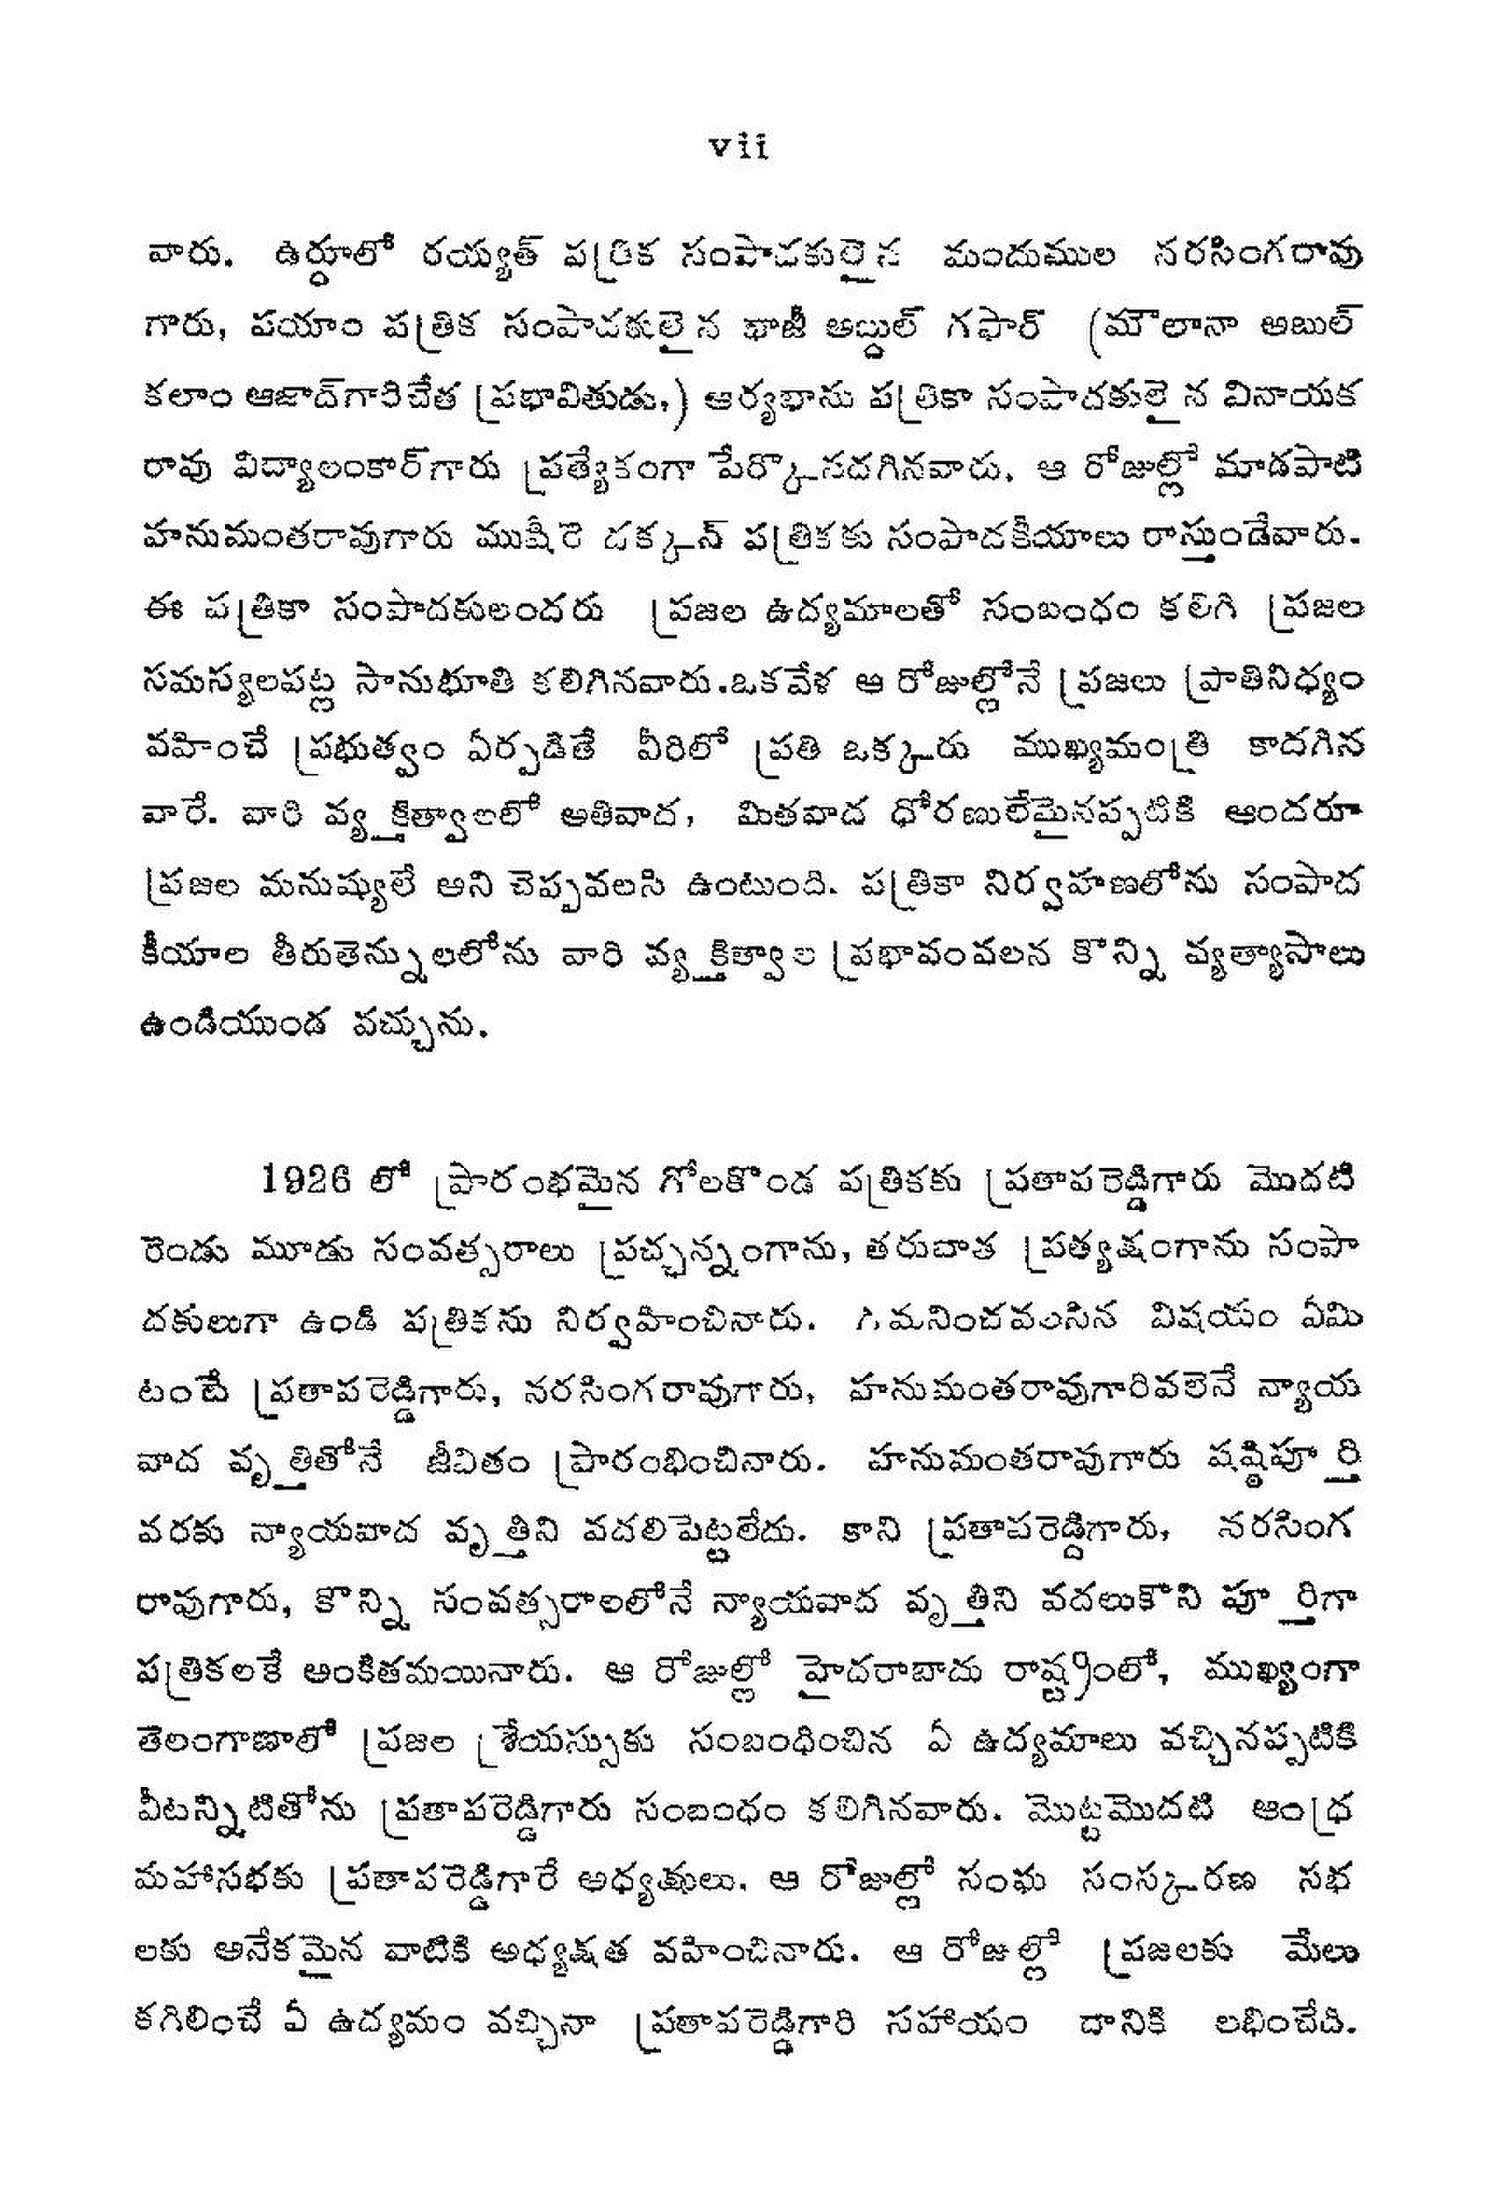వారు. ఉర్దూలో రయ్యత్ పత్రిక సంపాదకులైన మందుముల నరసింగరావుగారు, పయాం పత్రిక సంపాదకులైన ఖాజీ అబ్దుల్ గఫార్ (మౌలానా అబుల్ కలాం ఆజాద్‌గారిచేత ప్రభావితుడు,) ఆర్యభాను పత్రికా సంపాదకులైన వినాయకరావు విద్యాలంకార్‌గారు ప్రత్యేకంగా పేర్కొనదగినవారు. ఆ రోజుల్లో మాడపాటి హనుమంతరావుగారు ముషీరె దక్కన్ పత్రికకు సంపాదకీయాలు రాస్తుండేవారు. ఈ పత్రికా సంపాదకులందరు ప్రజల ఉద్యమాలతో సంబంధం కలిగి ప్రజల సమస్యలపట్ల సానుభూతి కలిగినవారు . ఒకవేళ ఆ రోజుల్లోనే ప్రజలు ప్రాతినిధ్యం వహించే ప్రభుత్వం ఏర్పడితే వీరిలో ప్రతి ఒక్కరు ముఖ్యమంత్రి కాదగినవారే. వారి వ్యక్తిత్వాలలో అతివాద, మితవాద ధోరణులేమైనప్పటికి అందరూ ప్రజల మనుష్యులే అని చెప్పవలసి ఉంటుంది. పత్రికా నిర్వహణలోను సంపాదకీయాల తీరుతెన్నులలోను వారి వ్యక్తిత్వాల ప్రభావంవలన కొన్ని వ్యత్యాసాలు ఉండియుండ వచ్చును.

1926 లో ప్రారంభమైన గోలకొండ పత్రికకు ప్రతాపరెడ్డిగారు మొదటి రెండు మూడు సంవత్సరాలు ప్రచ్ఛన్నంగాను, తరువాత ప్రత్యక్షంగాను సంపాదకులుగా ఉండి పత్రికను నిర్వహించినారు. గమనించవలసిన విషయం ఏమిటంటే ప్రతాపరెడ్డిగారు, నరసింగరావుగారు, హనుమంతరావుగారివలెనే న్యాయవాద వృత్తితోనే జీవితం ప్రారంభించినారు. హనుమంతరావుగారు షష్ఠిపూర్తి వరకు న్యాయవాద వృత్తిని వదలిపెట్టలేదు. కాని ప్రతాపరెడ్డిగారు, నరసింగరావుగారు, కొన్ని సంవత్సరాలలోనే న్యాయవాద వృత్తిని వదలుకొని పూర్తిగా పత్రికలకే అంకితమయినారు. ఆ రోజుల్లో హైదరాబాదు రాష్ట్రంలో, ముఖ్యంగా తెలంగాణాలో ప్రజల శ్రేయస్సుకు సంబంధించిన ఏ ఉద్యమాలు వచ్చినప్పటికి వీటన్నిటితోను ప్రతాపరెడ్డిగారు సంబంధం కలిగినవారు. మొట్టమొదటి ఆంధ్ర మహాసభకు ప్రతాపరెడ్డిగారే అధ్యక్షులు. ఆ రోజుల్లో సంఘ సంస్కరణ సభలకు అనేకమైన వాటికి అధ్యక్షత వహించినారు. ఆ రోజుల్లో ప్రజలకు మేలుకగిలించే ఏ ఉద్యమం వచ్చినా ప్రతాపరెడ్డిగారి సహాయం దానికి లభించేది.